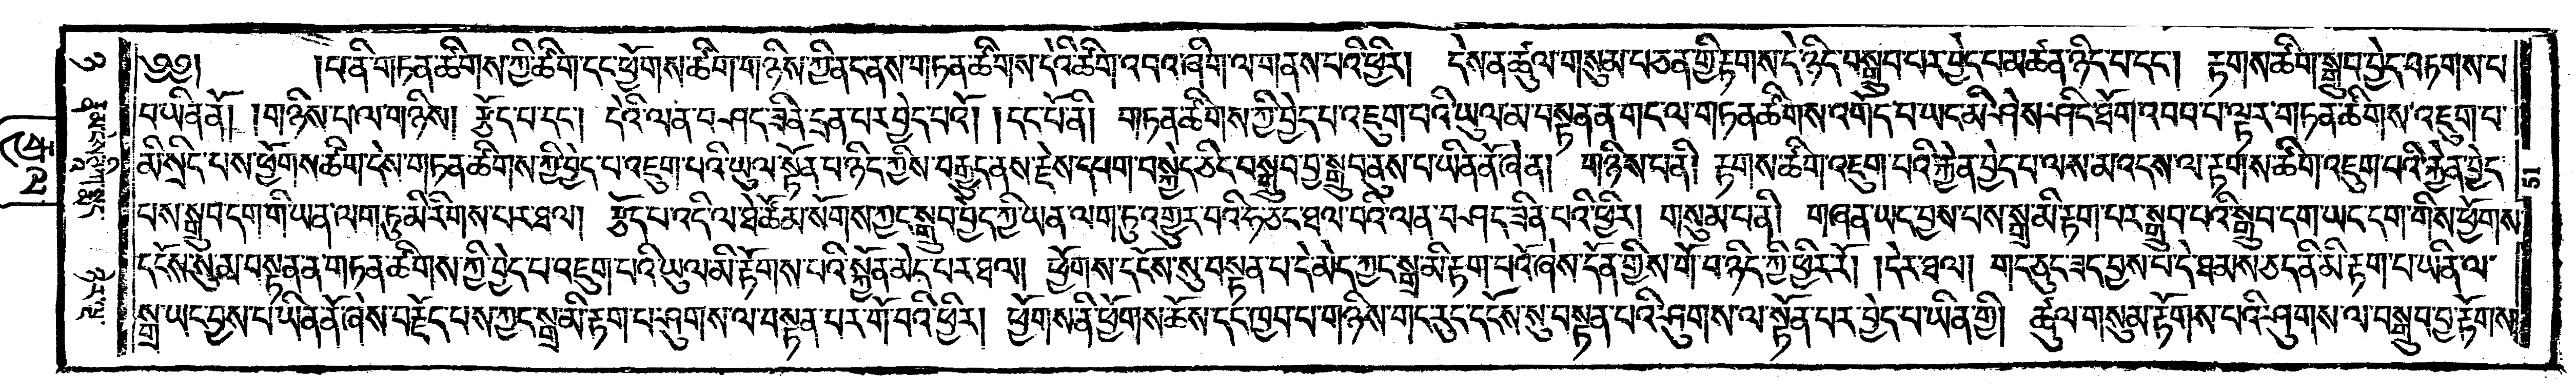༄༅། །པ་ནི་གཏན་ཚིགས་ཀྱི་ཚིག་དང་ཕྱོགས་ཚིག་གཉིས་ཀྱི་ནང་ནས་གཏན་ཚིགས་དེའི་ཚིག་འབའ་ཞིག་ལ་གནས་པའི་ཕྱིར། དེས་ན་ཚུལ་གསུམ་པ་ཅན་གྱི་རྟགས་དེ་ཉིད་བསྒྲུབ་པར་བྱེད་པ་མཚན་ཉིད་པ་དང་། རྟགས་ཚིག་སྒྲུབ་བྱེད་བཏགས་པ་
པ་ཡིན་ནོ། །གཉིས་པ་ལ་གཉིས། རྩོད་པ་དང་། དེའི་ལན་བཤད་ཟིན་དྲན་པར་བྱེད་པའོ། །དང་པོ་ནི། གཏན་ཚིགས་ཀྱི་བྱེད་པ་འཇུག་པའི་ཡུལ་མ་བསྟན་ན་གང་ལ་གཏན་ཚིགས་འགོད་པ་ཡང་མི་ཤེས་ཤིང་ཐོག་འབབ་པ་ལྟར་གཏན་ཚིགས་འཇུག་པ་
མི་སྲིད་པས་ཕྱོགས་ཚིག་ངེས་གཏན་ཚིགས་ཀྱི་བྱེད་པ་འཇུག་པའི་ཡུལ་སྟོན་པ་ཉིད་ཀྱིས་བརྒྱུད་ནས་རྗེས་དཔག་བསྐྱེད་ཅིང་བསྒྲུབ་བྱ་སྒྲུབ་ནུས་པ་ཡིན་ནོ་ཞེ་ན། གཉིས་པ་ནི། རྟགས་ཚིག་འཇུག་པའི་རྐྱེན་བྱེད་པ་ལས་མ་འདས་ལ་རྟགས་ཚིག་འཇུག་པའི་རྐྱེན་བྱེད་
པས་སྒྲུབ་དག་གི་ཡན་ལག་ཏུ་མི་རིགས་པར་ཐལ། རྩོད་པ་འདི་ལ་ཐེ་ཚོམ་སོགས་ཀྱང་སྒྲུབ་བྱེད་ཀྱི་ཡན་ལག་ཏུ་འགྱུར་བའི་ཧ་ཅང་ཐལ་བའི་ལན་བཤད་ཟིན་པའི་ཕྱིར། གསུམ་པ་ནི། གཞན་ཡང་བྱས་པས་སྒྲ་མི་རྟག་པར་སྒྲུབ་པའི་སྒྲུབ་དག་ཡང་དག་གིས་ཕྱོགས་
དངོས་སུམ་བསྟན་ན་གཏན་ཚིགས་ཀྱི་བྱེད་པ་འཇུག་པའི་ཡུལ་མི་རྟོགས་པའི་སྐྱོན་མེད་པར་ཐལ། ཕྱོགས་དངོས་སུ་བསྟན་པ་དེ་མེད་ཀྱང་སྒྲ་མི་རྟག་པའོ་ཞེས་དོན་གྱིས་གོ་བ་ཉིད་ཀྱི་ཕྱིར་རོ། །དེར་ཐལ། གང་ཅུང་ཟད་བྱས་པ་དེ་ཐམས་ཅད་ནི་མི་རྟག་པ་ཡིན་ལ་
སྒྲ་ཡང་བྱས་པ་ཡིན་ནོ་ཞེས་བརྗོད་པས་ཀྱང་སྒྲ་མི་རྟག་པ་ཤུགས་ལ་བསྟན་པར་གོ་བའི་ཕྱིར། ཕྱོགས་ནི་ཕྱོགས་ཆོས་དང་ཁྱབ་པ་གཉིས་གང་རུང་དངོས་སུ་བསྟན་པའི་ཤུགས་ལ་སྟོན་པར་བྱེད་པ་ཡིན་གྱི། ཚུལ་གསུམ་རྟོགས་པའི་ཤུགས་ལ་བསྒྲུབ་བྱ་རྟོགས་